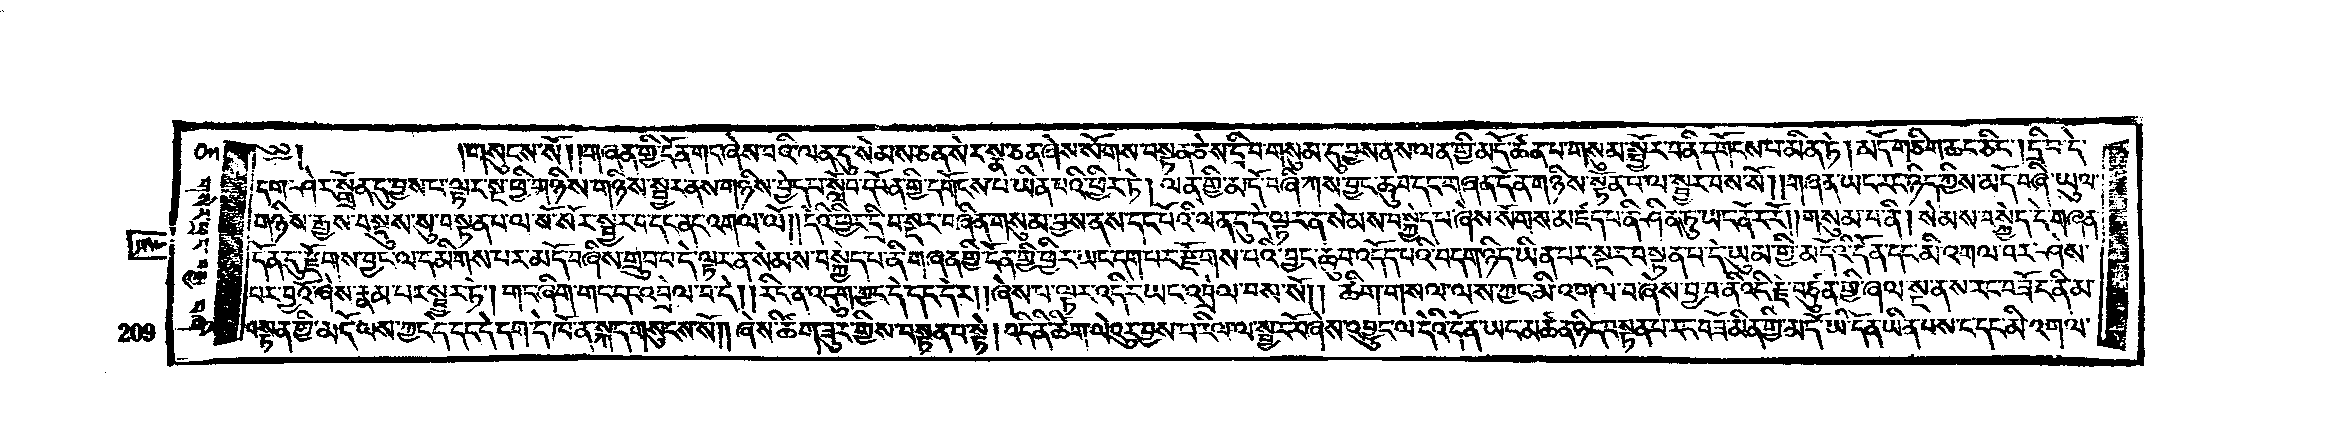༄༅། །གསུངས་སོ། །གཞན་གྱི་དོན་གང་ཞེས་པའི་ལན་དུ་སེམས་ཅན་སེར་སྣ་ཅན་ཞེས་སོགས་བསྟན་ཅེས་དྲི་བ་གསུམ་དུ་བྱས་ནས་ལན་གྱི་མདོ་ཚན་པ་གསུམ་སྦྱོར་བ་ནི་དགོངས་པ་མིན་ཏེ། མདོ་གཅིག་ཆད་ཅིང་། དྲི་བ་དེ་
དག་ཤེར་སྒྲོན་དུ་བྱས་པ་ལྟར་སྔ་ཕྱི་གཉིས་གཉིས་སྦྱར་ནས་གཉིས་བྱེད་པ་སློབ་དཔོན་གྱི་དགོངས་པ་ཡིན་པའི་ཕྱིར་ཏེ། ལན་གྱི་མདོ་བཞི་ཀས་བྱང་ཆུབ་དང་གཞན་དོན་གཉིས་སྟོན་པ་ལ་སྦྱར་བས་སོ། །གཞན་ཡང་རང་ཉིད་ཀྱིས་མདོ་བཞི་ཡུལ་
གཉིས་རྒྱས་བསྡུས་སུ་བསྟན་པ་ལ་སོ་སོར་སྦྱར་བ་དང་ནང་འགལ་ལོ། །དེའི་ཕྱིར་དྲི་བ་སྔར་བཞིན་གསུམ་བྱས་ནས་དང་པོའི་ལན་དུ་དེ་ལྟར་ན་སེམས་བསྐྱེད་པ་ཞེས་སོགས་མཛད་པ་ནི་ཤིན་ཏུ་ཡང་ནོར་རོ། །གསུམ་པ་ནི། སེམས་བསྐྱེད་དེ་གཞན་
དོན་དུ་རྫོགས་བྱང་ལ་དམིགས་པར་མདོ་བཞིས་གྲུབ་པ་དེ་ལྟར་ན་སེམས་བསྐྱེད་པ་ནི་གཞན་གྱི་དོན་གྱི་ཕྱིར་ཡང་དག་པར་རྫོགས་པའི་བྱང་ཆུབ་འདོད་པའི་བདག་ཉིད་ཡིན་པར་སྔར་བསྟན་པ་དེ་ཡུམ་གྱི་མདོའི་དོན་དང་མི་འགལ་བར་ཤེས་
པར་བྱའོ་ཞེས་རྣམ་པར་སྦྱར་ཏེ། གང་ཞིག་གང་དང་འབྲེལ་བ་དེ། རིང་ན་འདུག་ཀྱང་དེ་དང་དེར། །ཞེས་པ་ལྟར་འདིར་ཡང་འབྲེལ་བས་སོ། །ཚིག་གསལ་ལས་ཀྱང་མི་འགལ་བ་ཞེས་བྱ་བ་ནི་འདི་རྗེ་བཙུན་གྱི་ཞལ་སྔ་ནས་རང་བཟོར་ནི་མ་
བསྟན་གྱི་མདོ་ལས་ཀྱང་དེ་དང་དེ་དག་དེ་ཁོ་ན་སྐད་གསུངས་སོ། །ཞེས་ཚིག་ཟུར་གྱིས་བསྟན་པ་སྟེ། འདི་ནི་ཚིག་ལེའུར་བྱས་པ་རིལ་ལ་སྦྱར་རོ་ཞེས་འབྱུང་ལ་དེའི་དོན་ཡང་མཚན་ཉིད་བསྟན་པ་རང་བཟོ་མིན་གྱི་མདོ་ཡི་དོན་ཡིན་པས་དེ་དང་མི་འགལ་